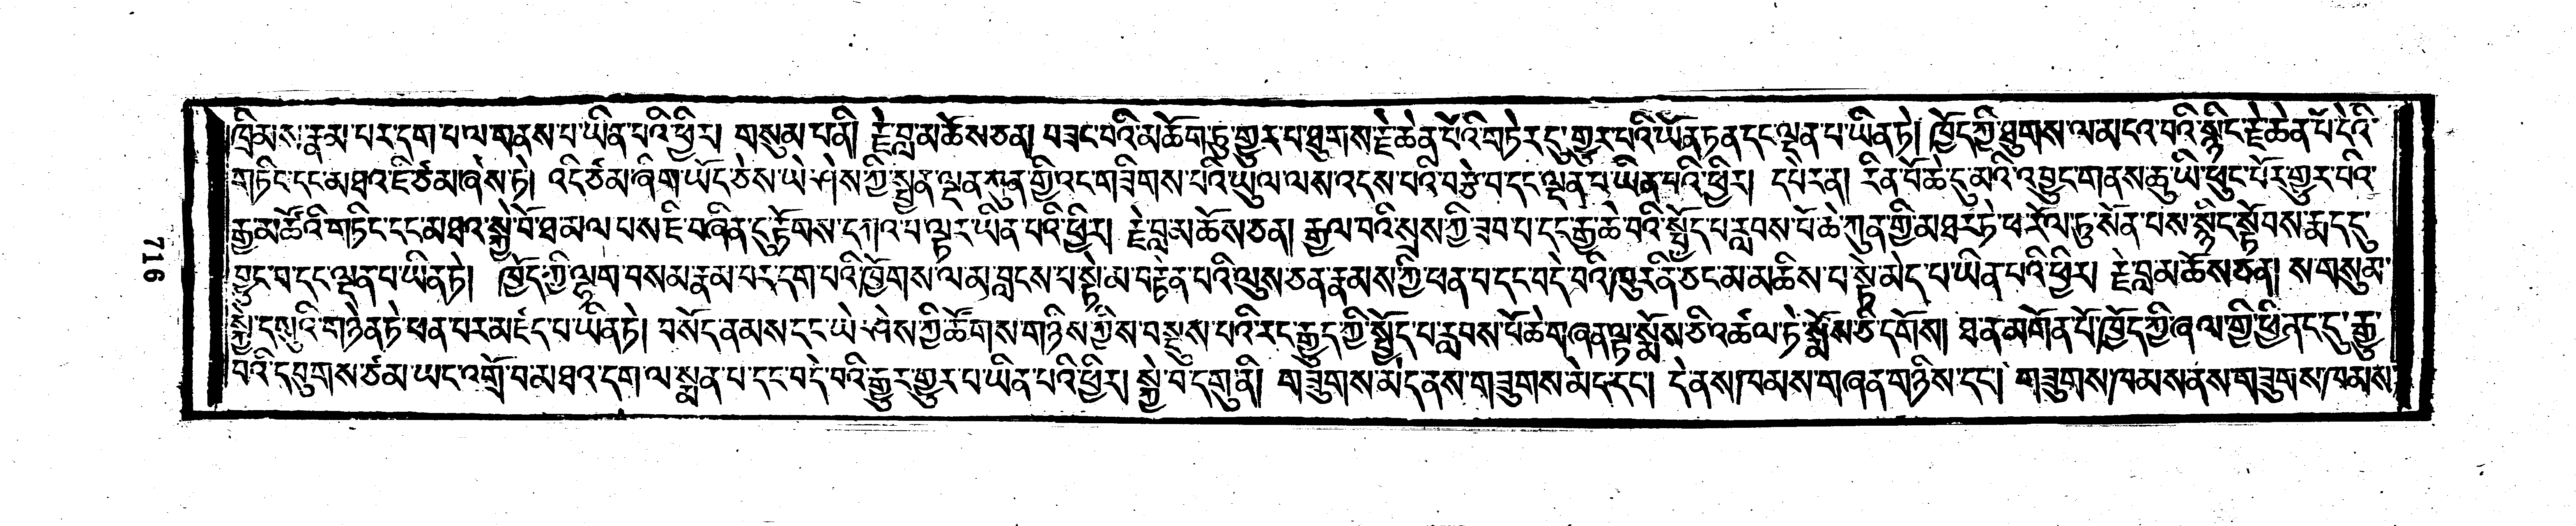ཁྲིམས་རྣམ་པར་དག་པ་ལ་གནས་པ་ཡིན་པའི་ཕྱིར། གསུམ་པ་ནི། རྗེ་བླ་མ་ཆོས་ཅན། བཟང་བའི་མཆོག་ཏུ་གྱུར་པ་ཐུགས་རྗེ་ཆེན་པོའི་གཏེར་དུ་གྱུར་པའི་ཡོན་ཏན་དང་ལྡན་པ་ཡིན་ཏེ། ཁྱོད་ཀྱི་ཐུགས་ལ་མངའ་བའི་སྙིང་རྗེ་ཆེན་པོ་དེའི་
གཏིང་དང་མཐའ་ཇི་ཙམ་ཞེས་ཏེ། འདི་ཙམ་ཞིག་ཡོད་ཅེས་ཡེ་ཤེས་ཀྱི་སྤྱན་ལྡན་ཀུན་གྱིའང་གཟིགས་པའི་ཡུལ་ལས་འདས་པའི་བརྩེ་བ་དང་ལྡན་པ་ཡིན་པའི་ཕྱིར། དཔེར་ན། རིན་པོ་ཆེ་དུ་མའི་འབྱུང་གནས་ཆུ་ཡི་ཕུང་པོར་གྱུར་པའི་
རྒྱ་མཚོའི་གཏིང་དང་མཐའ་སྐྱེ་བོ་ཐ་མལ་པས་ཇི་བཞིན་དུ་རྟོགས་དཀའ་བ་ལྟར་ཡིན་པའི་ཕྱིར། རྗེ་བླ་མ་ཆོས་ཅན། རྒྱལ་བའི་སྲས་ཀྱི་ཟབ་པ་དང་རྒྱ་ཆེ་བའི་སྤྱོད་པ་རླབས་པོ་ཆེ་ཀུན་གྱི་མཐར་ཏེ་ཕ་རོལ་ཏུ་སོན་པས་སྙིང་སྟོབས་རྨད་དུ་
བྱུང་བ་དང་ལྡན་པ་ཡིན་ཏེ། ཁྱོད་ཀྱི་ལྷག་བསམ་རྣམ་པར་དག་པའི་ཁྱོགས་ལ་མ་བླངས་པ་སྟེ་མ་བརྟེན་པའི་ལུས་ཅན་རྣམས་ཀྱི་ཕན་པ་དང་བདེ་བའི་ཁུར་ནི་ཅང་མ་མཆིས་པ་སྟེ་མེད་པ་ཡིན་པའི་ཕྱིར། རྗེ་བླ་མ་ཆོས་ཅན། ས་གསུམ་
སྐྱེ་དགུའི་གཉེན་ཏེ་ཕན་པར་མཛད་པ་ཡིན་ཏེ། བསོད་ནམས་དང་ཡེ་ཤེས་ཀྱི་ཚོགས་གཉིས་ཀྱིས་བསྡུས་པའི་རང་རྒྱུད་ཀྱི་སྤྱོད་པ་རླབས་པོ་ཆེ་གཞན་ལྟ་སྨོས་ཅི་འཚལ་ཏེ་སྨོས་ཅི་དགོས། ཐ་ན་མགོན་པོ་ཁྱོད་ཀྱི་ཞལ་གྱི་ཕྱི་ནང་དུ་རྒྱུ་
བའི་དབུགས་ཙམ་ཡང་འགྲོ་བ་མཐའ་དག་ལ་སྨན་པ་དང་བདེ་བའི་རྒྱུར་གྱུར་པ་ཡིན་པའི་ཕྱིར། སྐྱེ་བ་དགུ་ནི། གཟུགས་མེད་ནས་གཟུགས་མེད་དང་། དེ་ནས་ཁམས་གཞན་གཉིས་དང་། གཟུགས་ཁམས་ནས་གཟུགས་ཁམས་